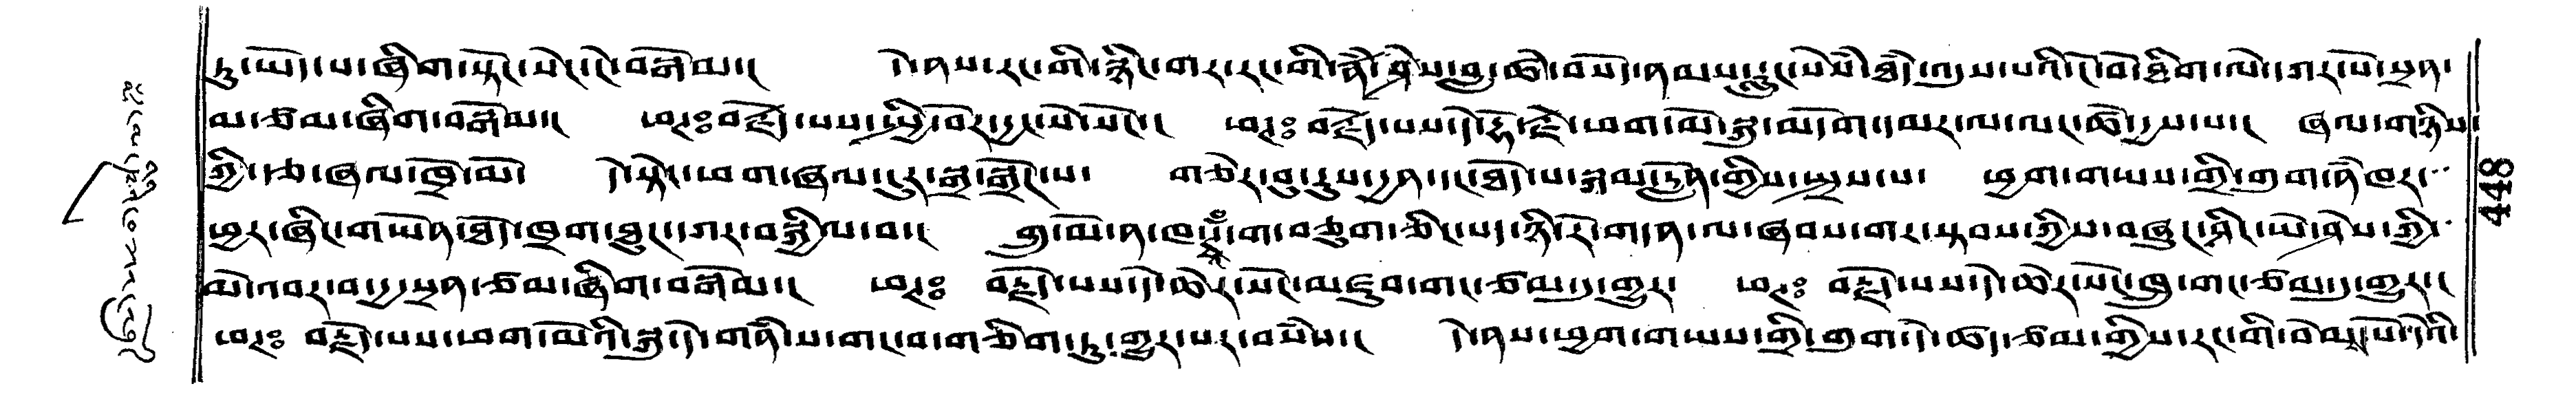ཡོད་པ་ཞིག་སྟོང་སེང་ངེ་བསྒོམ། དེ་ནས་རང་གི་སྙིང་གར་རང་གི་རྣམ་ཤེས་བླ་ཚེ་བསོད་ནམས་རླུང་སེམས་ཐམས་ཅད་འདུས་པའི་ངོ་བོ་ཐིག་ལེ་དཀར་པོ་སྲན་
མ་ཙམ་ཞིག་བསྒོམ། ཕཊཿབརྗོད་པས་སྤྱི་བོར་རྒྱངས་སེ་སོང་། ཕཊཿབརྗོད་པས་དེ་རྡོ་རྗེ་ཕག་མོ་སྐུ་མདོག་དམར་ལ་ལང་ཚོ་རྒྱས་པ། ཞལ་གཉིས་
ཀྱི་རྩ་ཞལ་ཁྲོ་མོ། དེ་སྟེང་ཕག་ཞལ་ངུར་སྒྲ་སྒྲོག་པ། གཅེར་བུ་རུས་རྒྱན་དང་ཐོད་པ་སྐམ་རློན་གྱིས་སྤྲས་པ། ཕྱག་གཡས་གྲི་གུག་ནམ་མཁར་
འཕྱར་ཞིང་གཡོན་ཐོད་ཁྲག་ཐུགས་ཀར་བསྐྱིལ་བ། གྲུ་མོ་ན་ཁ་ཊྭྃ་ག་བཅུག་ཅིང་པད་ཉི་རོ་གདན་ལ་ཞབས་གར་སྟབས་ཀྱིས་བཞུགས་ཤིང་ཡེ་ཤེས་ཀྱི་
མེ་འབར་བ་རྒྱ་སྲན་ཙམ་ཞིག་བསྒོམ། ཕཊཿ བརྗོད་པས་དེ་ཆེར་སོང་མཛུབ་གང་ཙམ་དུ་གྱུར། ཕཊཿ བརྗོད་པས་དེ་ཆེར་སོང་ཁྲུ་གང་ཙམ་དུ་གྱུར། 
ཕཊཿ བརྗོད་པས་ཕག་མོའི་སྐུ་དེ་གནམ་ས་གང་བ་གཅིག་ཏུ་གྱུར་པར་བསམ། དེ་ནས་ཕྱག་གཡས་གྲི་གུག་དེ་ཚད་ཙམ་གྱིས་རང་གི་བེམ་པོ་དེའི་